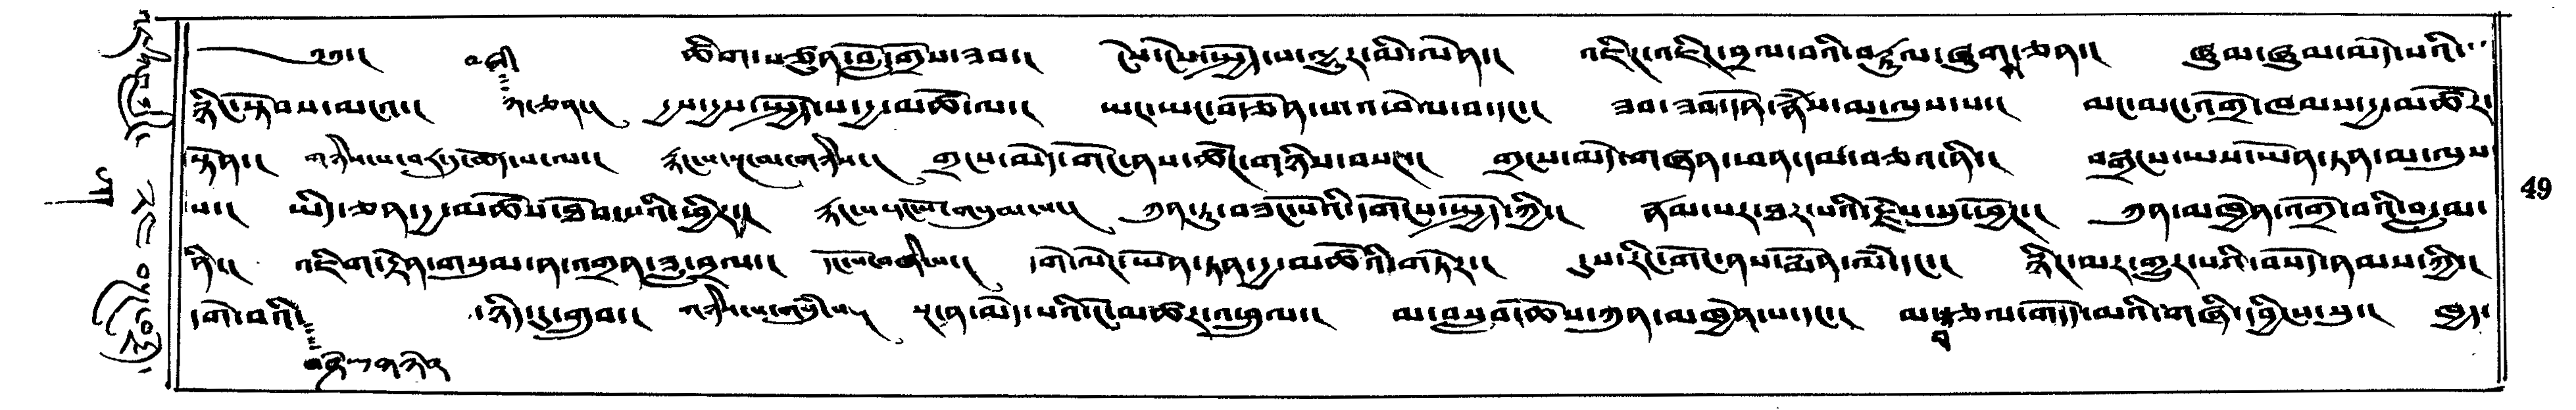ཚིག་བཙན་བློ་གྲོས་ཟབ། །ངེས་ངེས་སྤྱོད་པ་ལྷུར་མི་ལེན། །འཇིགས་འཇིགས་བྲལ་བའི་བརྟུལ་ཞུགས་ཅན། །ཞུམ་ཞུམ་མེད་པའི་
སྙིང་སྟོབས་མངའ། བཞི་ཀ་ཅན། རྒྱས་རྒྱས་སྤྱོད་པ་རྒྱ་མཚོ་ལ། །ཡང་ཡང་བརྩོན་པ་འཕེལ་བ་དང་། །ཟབ་ཟབ་དོན་རྣམས་མ་ལུས་པ། །མང་མང་འགྲོ་ཁམས་རྒྱ་མཚོར་
སྟོན། ། གཉིས་པ་བར་དུ་ཆོད་པ་ལ། རྐང་པ་སྔ་མ་གཉིས།གྲངས་མེད་གོང་ནས་ཚོགས་གཉིས་བསགས། །གྲངས་མེད་གཞན་ཕན་དམ་བཅའ་ནི། །བགྲངས་ཡས་ཡོན་ཏན་མ་ལུས་
པ། །ཡིད་ཅན་རྒྱ་མཚོས་ཐོབ་པའི་ཕྱིར། ། རྐང་པ་དང་པོ་གསུམ་པ། ཀུན་ཏུ་བཟང་པོའི་དགོངས་དཔྱོད་ཀྱི། །རྣམ་པར་ཐར་པའི་རྗེས་སུ་ཕྱོགས། །ཀུན་མཁྱེན་འགྲོ་བའི་བླ་མ་
ནི། །འཇིག་རྟེན་གསུམ་ན་འགྲན་ཟླ་བྲལ། ། དང་པོ་བཞི་པ། དགེ་ལེགས་ཡོན་ཏན་རྒྱ་མཚོའི་གཏེར། །དུས་རིང་གོང་ནས་སྨོན་ལམ་དང་། །སྙིགས་མར་གྱུར་པའི་བསོད་ནམས་ཀྱི། །
དགེ་བའི་བཤེས་གཉེན་ཉིད་དུ་གྲུབ། ། གཉིས་པ་གསུམ་པ། སྔ་ན་མེད་པའི་ངོ་མཚར་འཕྲུལ། །མ་བསླབས་ཆོས་ཀུན་མཁྱེན་པ་དང་། །མ་བཙལ་གདོད་མའི་གཞི་དབྱིངས་སུ། །ཁྱད་